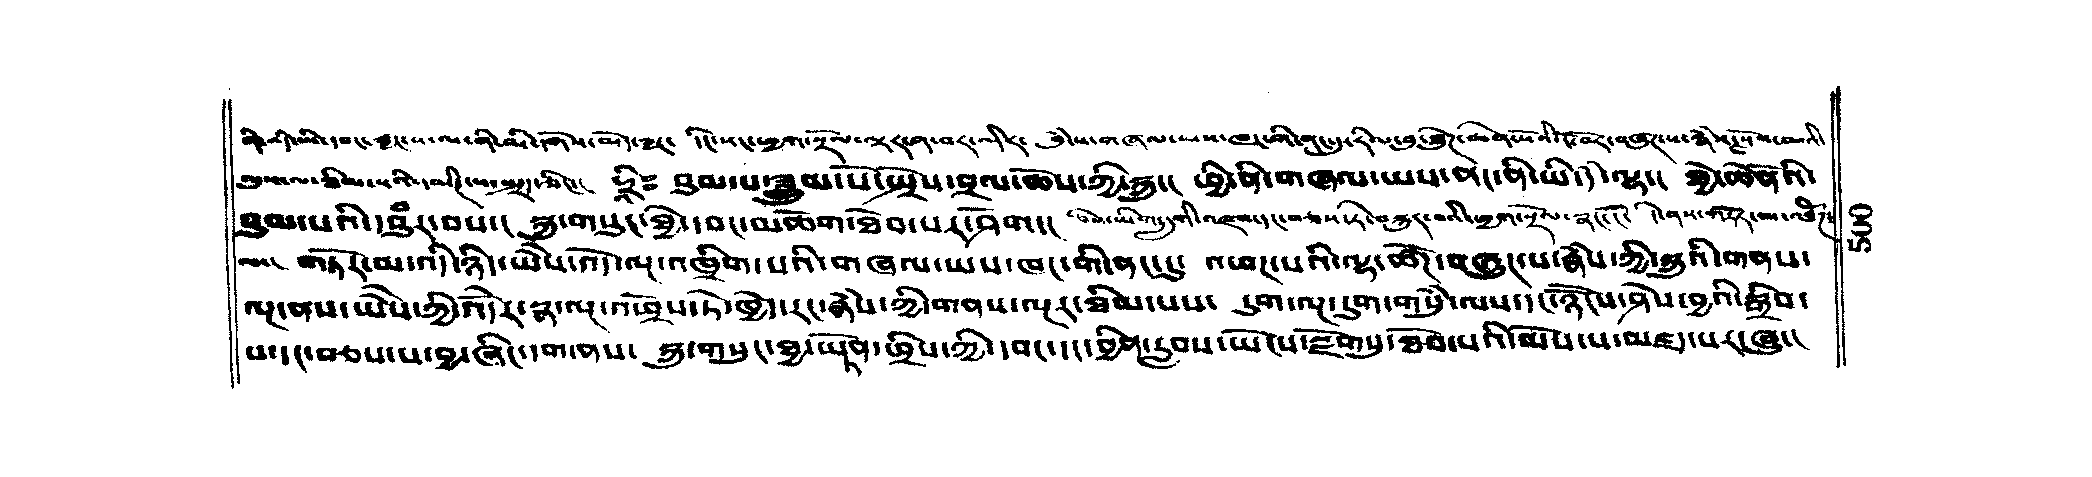ནི་འདི་ཡི་དབང་རྐྱང་པ་ལ་ནི་མི་དགོས་མོད་ཀྱང་། དིང་སང་ཕྱག་སྲོལ་ལྟར་ན་བར་འདིར་བུམ་པ་གཞལ་ཡས་ཁང་གི་ནང་དུ་རིལ་བུ་ཐུགས་རྗེ་ཆེན་པོའི་ངོ་བོར་བཞུགས་པ་རྣམས་སློབ་མའི་
ལུས་ལ་ཐིམ་པའི་དམིགས་པ་སྤྲད་ཅིང་། ཧྲཱིཿ བུམ་པ་ཟླུམ་པོ་སྤྲོས་བྲལ་ཆོས་ཀྱི་སྐུ། །ཕྱི་ནི་གཞལ་ཡས་ནང་ནི་ཡི་དམ་ལྷ། །ཐུགས་རྗེ་ཆེན་པོའི་
བུམ་པའི་དབང་བསྐུར་བས། །སྐུ་གསུང་ཐུགས་གི་དབང་མཆོག་ཐོབ་པར་ཤོག་ཅེས་ཡིག་དྲུག་གི་འཛབ་དང་བཅས་ཏེ་བསྐུར་བའི་ཕྱག་སྲོལ་སྣང་ངོ་། དེ་ནས་གཏོར་མ་འཐོགས་
ལ། གཏོར་མ་འདི་ཉིད་ཡེ་ཤེས་འོད་ལྔ་འཁྲིག་པའི་གཞལ་ཡས་ཁང་གི་ནང་དུ། འཕགས་པའི་ལྷ་ཚོགས་བཞུགས་པ་རྣམས་ཀྱི་སྐུའི་གནས་
ལྔ་ནས་ཡེ་ཤེས་ཀྱི་འོད་ཟེར་སྣ་ལྔ་འཕྲོས་ཏེ་ཁྱེད་རང་རྣམས་ཀྱི་གནས་ལྔར་ཐིམ་པས། དུག་ལྔ་དུག་གསུམ་ལས་དང་ཉོན་མོངས་ཤེས་བྱའི་སྒྲིབ་
པ་དང་བཅས་པ་བྱང་ཞིང་དག་ནས། སྐུ་གསུང་ཐུགས་ཡོན་ཏན་ཕྲིན་ལས་ཀྱི་དབང་དང་བྱིན་རླབས་ཡོངས་རྫོགས་སུ་ཐོབ་པའི་མོས་པ་མཛད་པར་ཞུ།